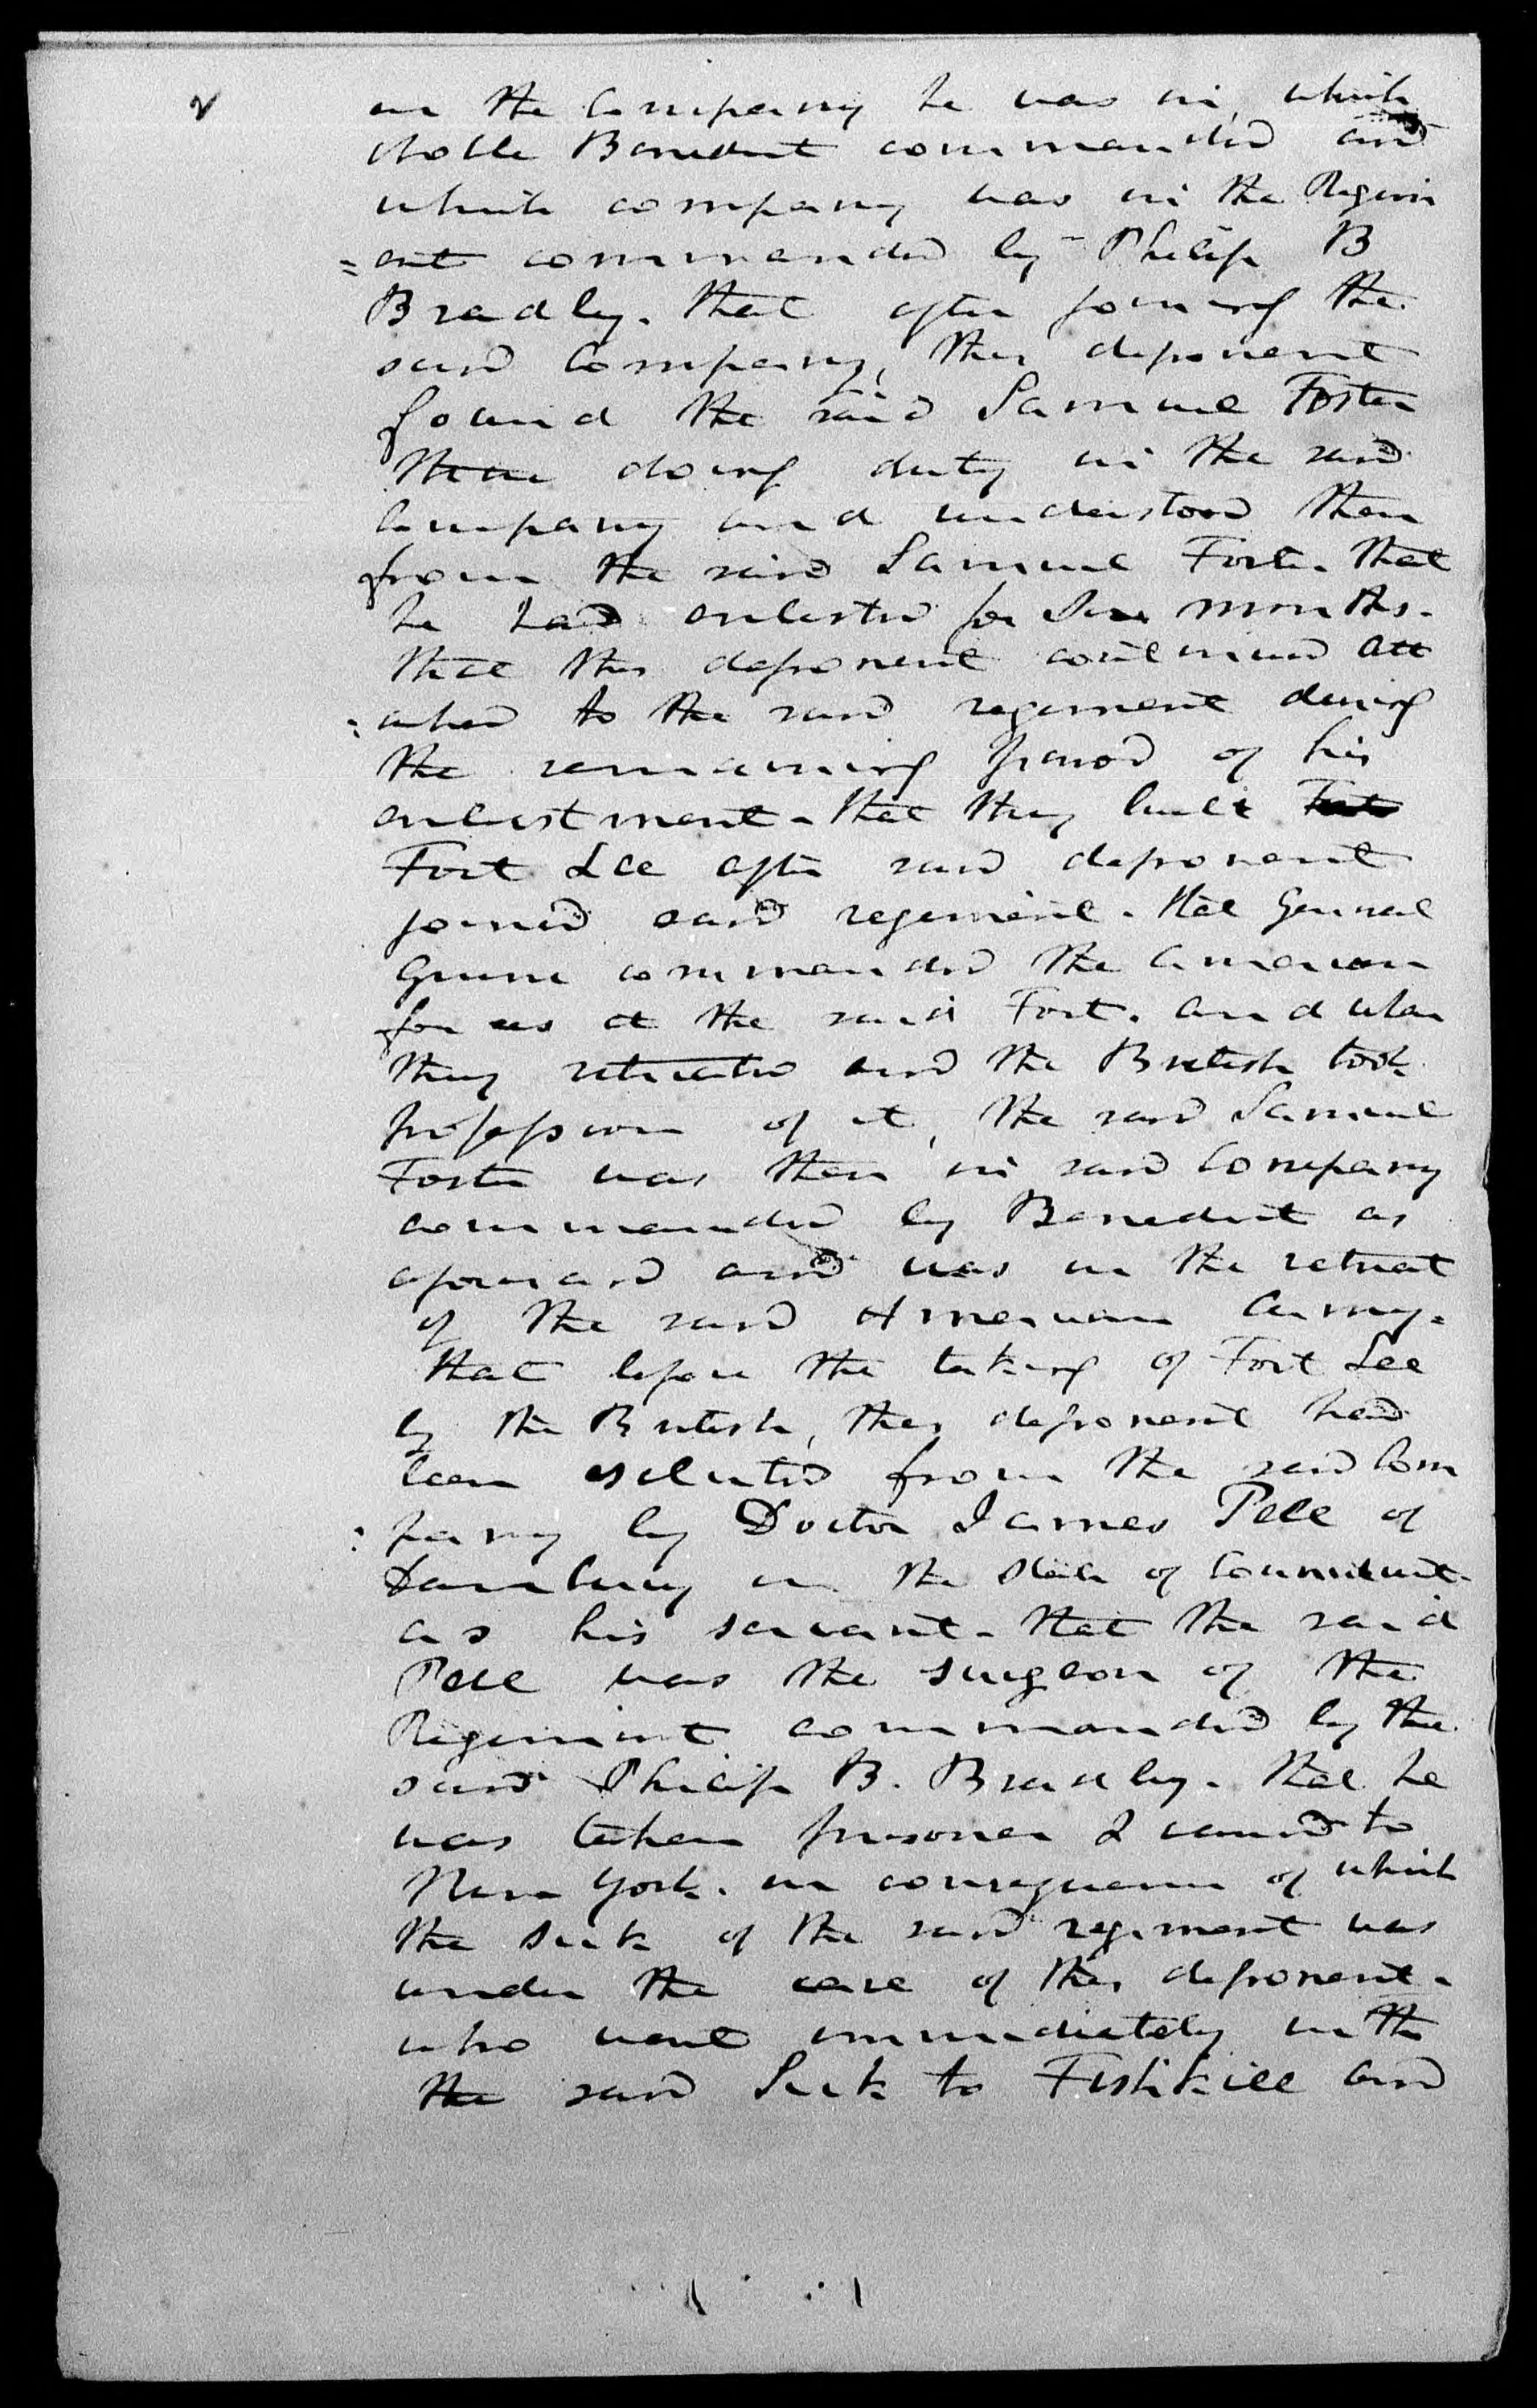2
in the Company he was in which Noble Benedict commanded and which company was in the Regim-ent commanded by Philip B Bradly. that after forming the said Company, this deponent found the said Samuel Foster then doing duty in the new Company and [illegible] there from the said Samuel Foster. that he had enlisted for six months. that this deponent continued att=[illegible] to the new regiment during the remaining [illegible] of his enlistment. that they [illegible] [word crossed out] Fort Lee after said deponent joined said regiment. that General Green commanded the American forces at the said Fort. and when they retreated and the British took possession of it the said Samuel Foster was then in said Company commanded by Benedict as aforesaid and was in the retreat of the said American Army. that before the taking of Fort Lee by the British, this deponent had been selected from the said Company by Doctor James Pell of [illegible] in the state of Connecticut as his servant. that the said Pell was the surgeon of the  Regiment commanded by Philip B. Bradley. that he was taken prisoner [illegible] to New York. in consequence of which the sick of the said regiment was under the care of this deponent. who went immediately with the said [illegible] to Fishkill and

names: Samuel Foster, Benedict, Greene, Philip B Bradly, Philip B Bradley, James Pell, Noble Benedict, Samuel Foster, Samuel Foster, Pell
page: 33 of 54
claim: survivor's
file: S. 13,043, Samuel Foster, Conn.